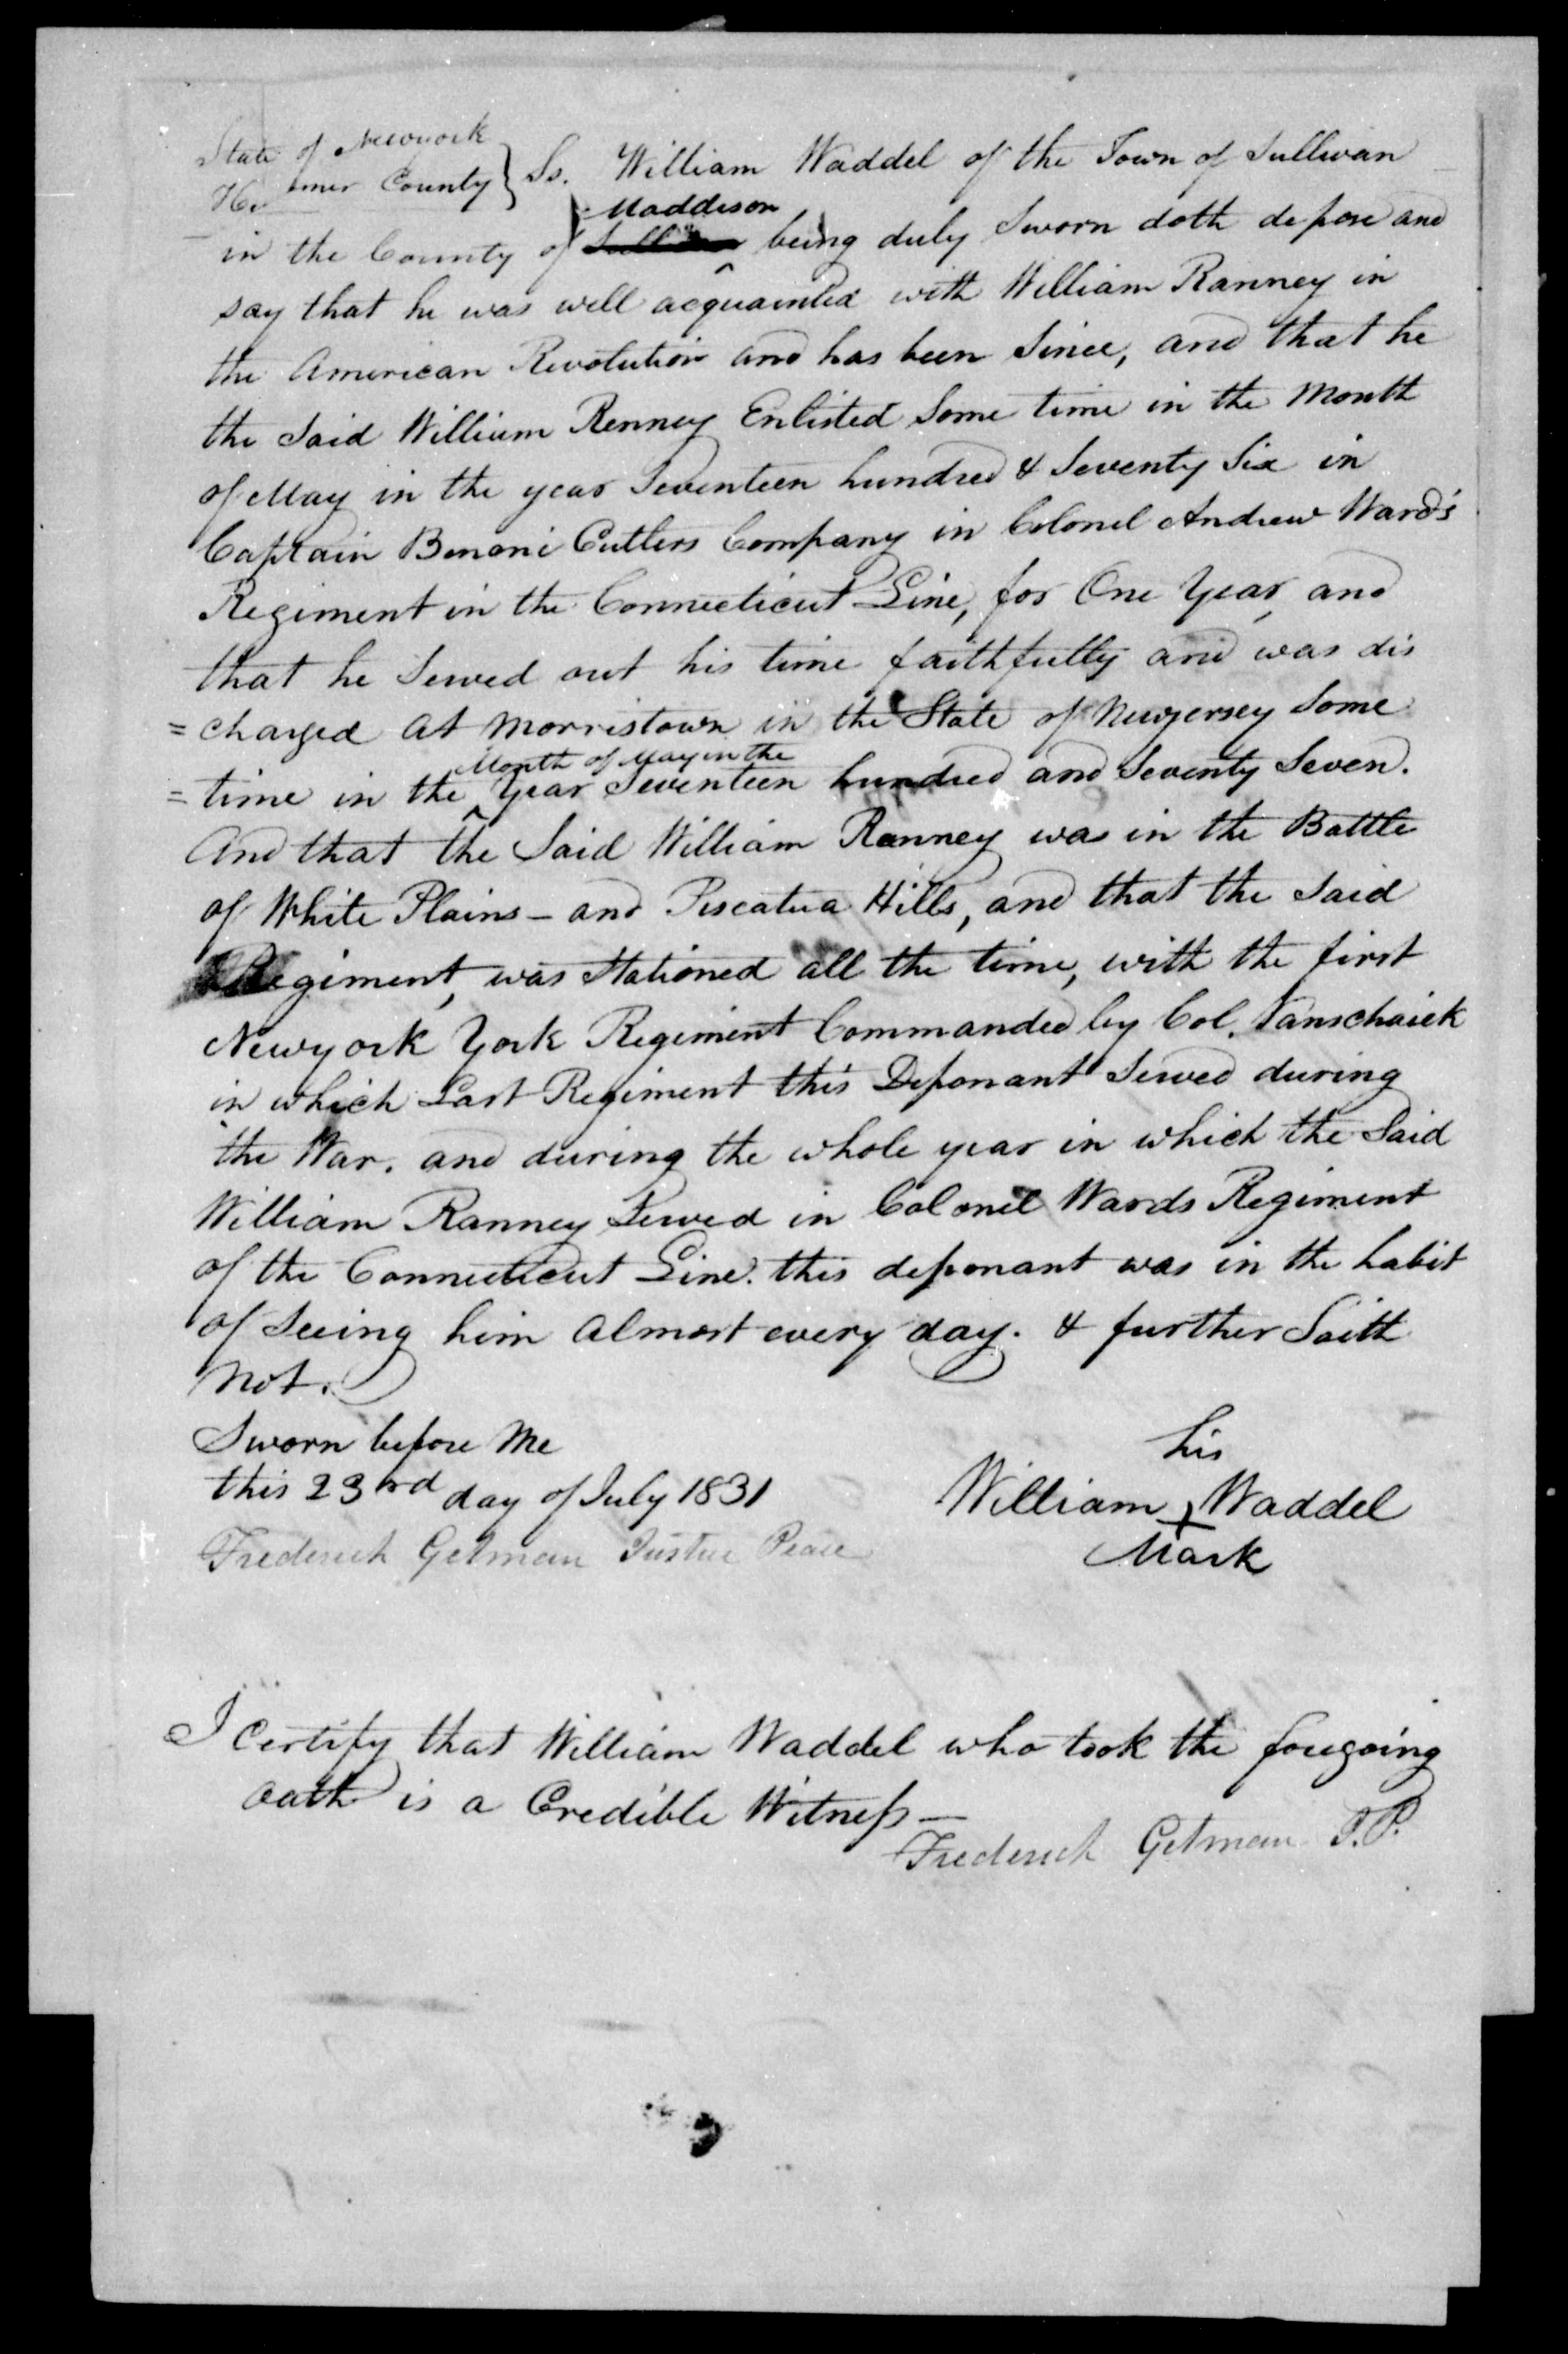State of New York
Herkimer County ss
William Waddel of the town of Sullivan in the county of [illegible strike out "St....] Maddison being duly sworn doth depose and say that he was well acquainted with William Ranney in the American Revolution and has been since and that he the said William Ranney enlisted some time in the month of May in the year seventeen hundred & seventy six in Captain Bononi Cutlers company in Colonel Andrew Ward's regiment in the Connecticut line for one year and that he served out his time faithfully and was discharged at Morristown in the state of New Jersey some time in the month of May in the year seventeen hundred and seventy seven and that the said William Ranney was in the battle of White Plains and Piscatua [Piscataqua] Hills and that the said regiment was stationed all the time with the first New York York regiment commanded by Col [Colonel] Vanschaick [Van Schaick] in which [illegible] regiment this deponant [deponent] served during the war and during the whole year in which the said William Ranney served in Colonel Wards regiment of the Connecticut line this deponant [deponent was in the habit of seeing him almost every day & further saith not.
William Waddel [by] his mark
Sworn before me this 23rd day of July 1831
Frederick Getman Justice Peace
I certify that William Waddel who took the foregoing oath is a credible witness
Frederick Getman J.P.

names: William Ranney; William Ranney; William Ranney; William Waddel; William Waddel; Frederick Getman; William Ranney; [BLANK] Vanschaick; William Renney; Frederick Getman; William Waddel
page: 9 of 12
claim: rejected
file: R. 8,593, for William Ranney, Connecticut